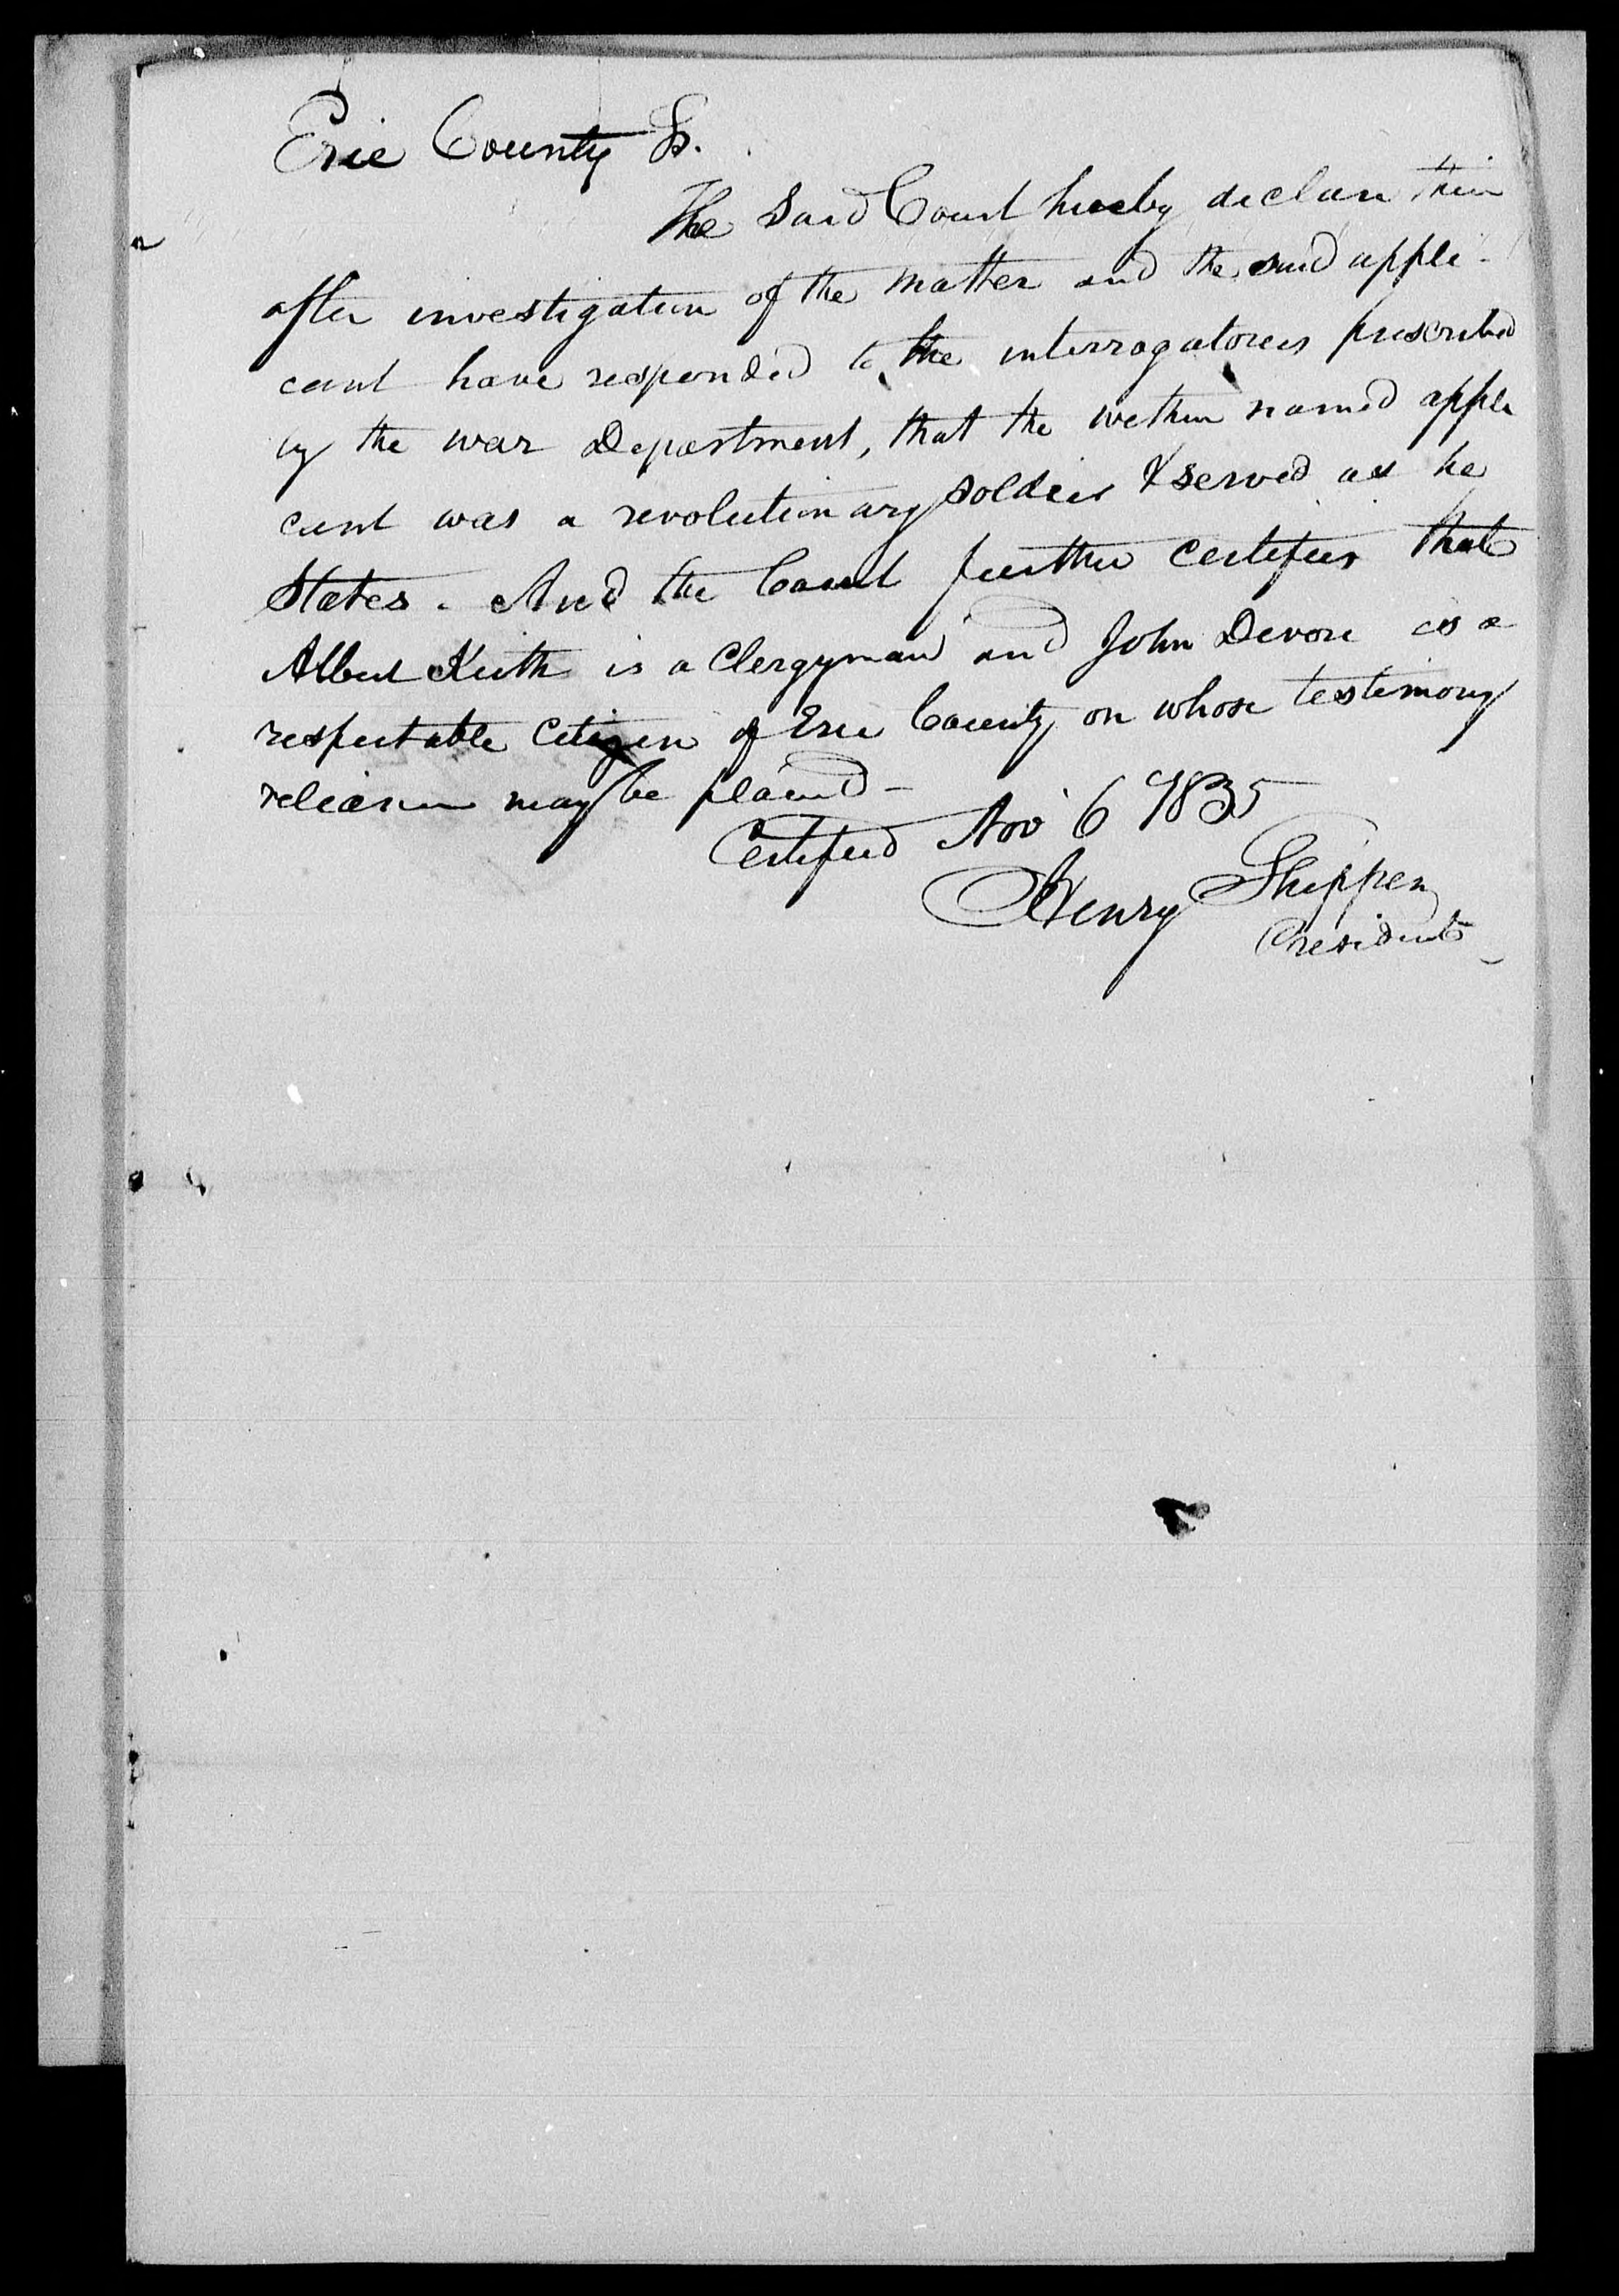Erie County ss.

The said Court hereby declare that after investigation of the matter and the said applicant have responded to the interrogatories presented by the War Department, that the within names applicant was a revolutionary soldier & served as he states, And the Court further certifies that Albert Keith is a clergyman and John Devore is a respectable citizen of Erie County on whose testimony [unk] may be placed.
Certified Nov 6 1835


Henry Shippen President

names: Albert Keith; John Devore; Henry Shippen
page: 9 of 13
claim: rejected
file: R 10420, for Martin Tayler, Connecticut